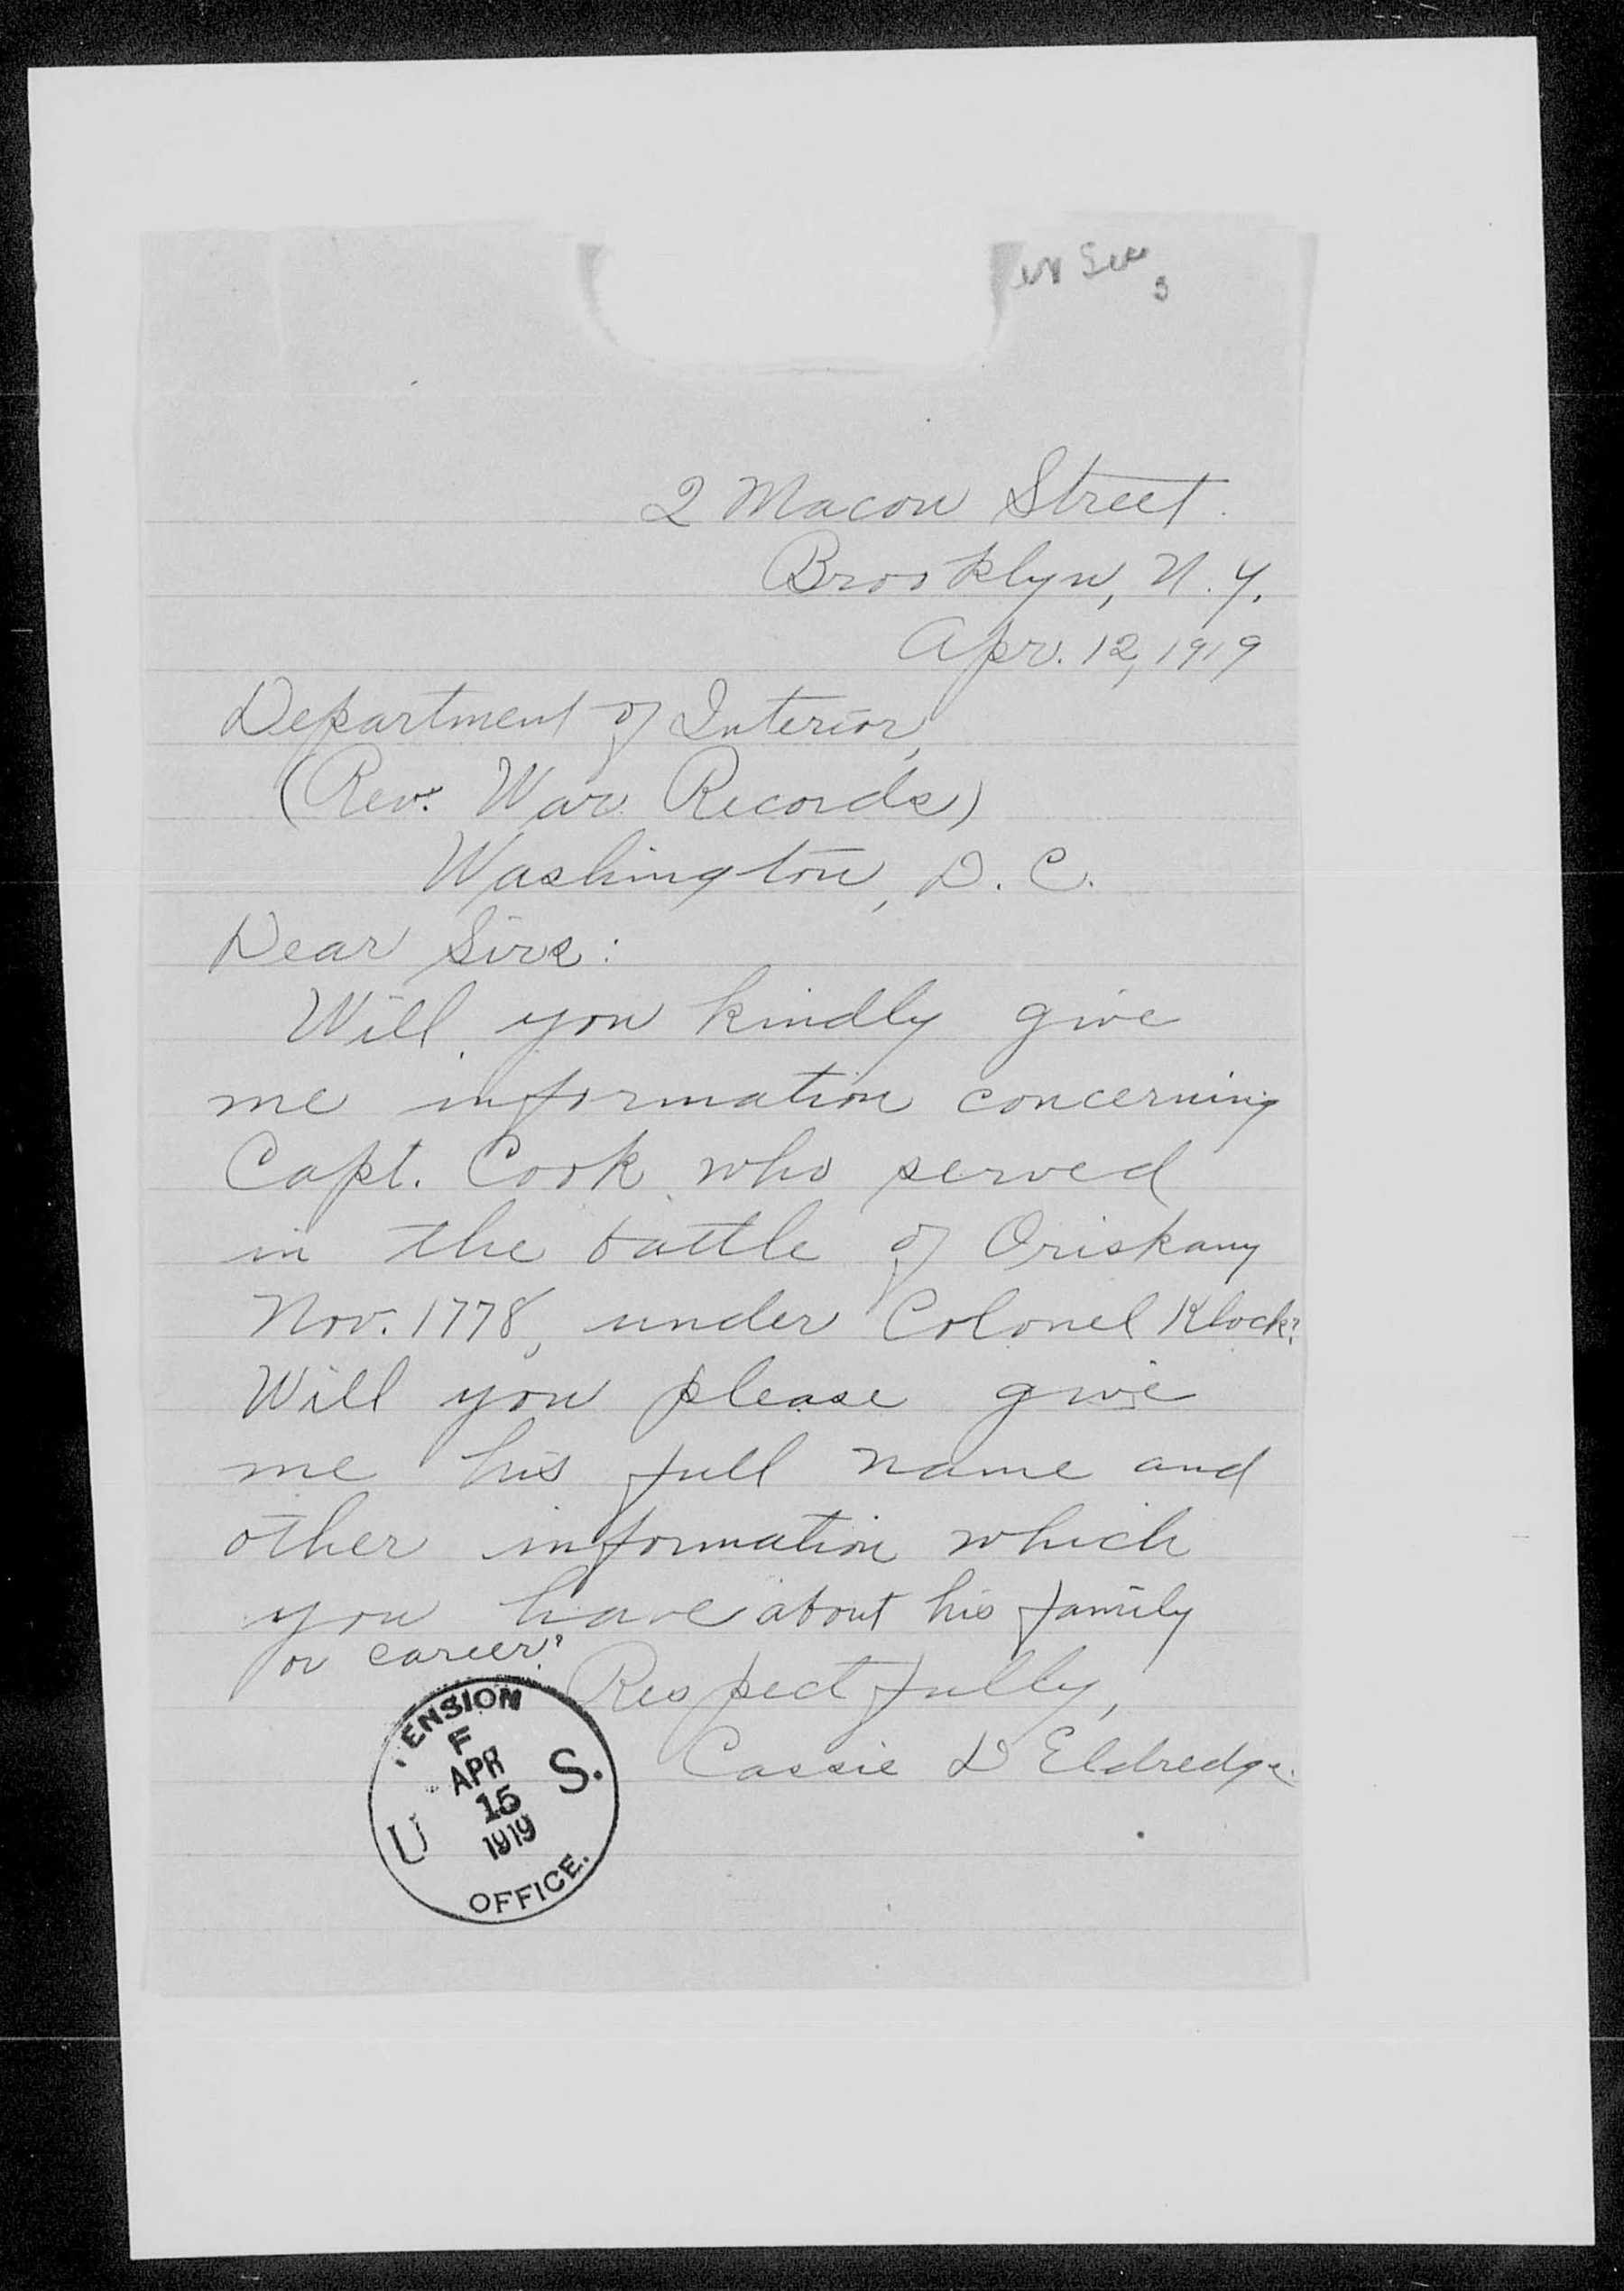2 Macon Street
Brooklyn N. Y.
Apr. 12, 1919

Department of Interior,
(Rev. War Records)
Washington D.C.

Dear Sirs:
Will you kindly give me information concerning
Capt. Cook who served in the battle of Oriskany
Nov. 1778 under Colonel Klock?

Will you please give me his full name and other information which you have about his family
or career?

Respectfully
S. Cassie D Eldredge

[stamped]
U.S. Pension Office
F
Apr 15 1919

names: Cassie D Eldredge, Klock, Cook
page: 17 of 51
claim: survivor's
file: S. 12563, Severinus Cook, New York